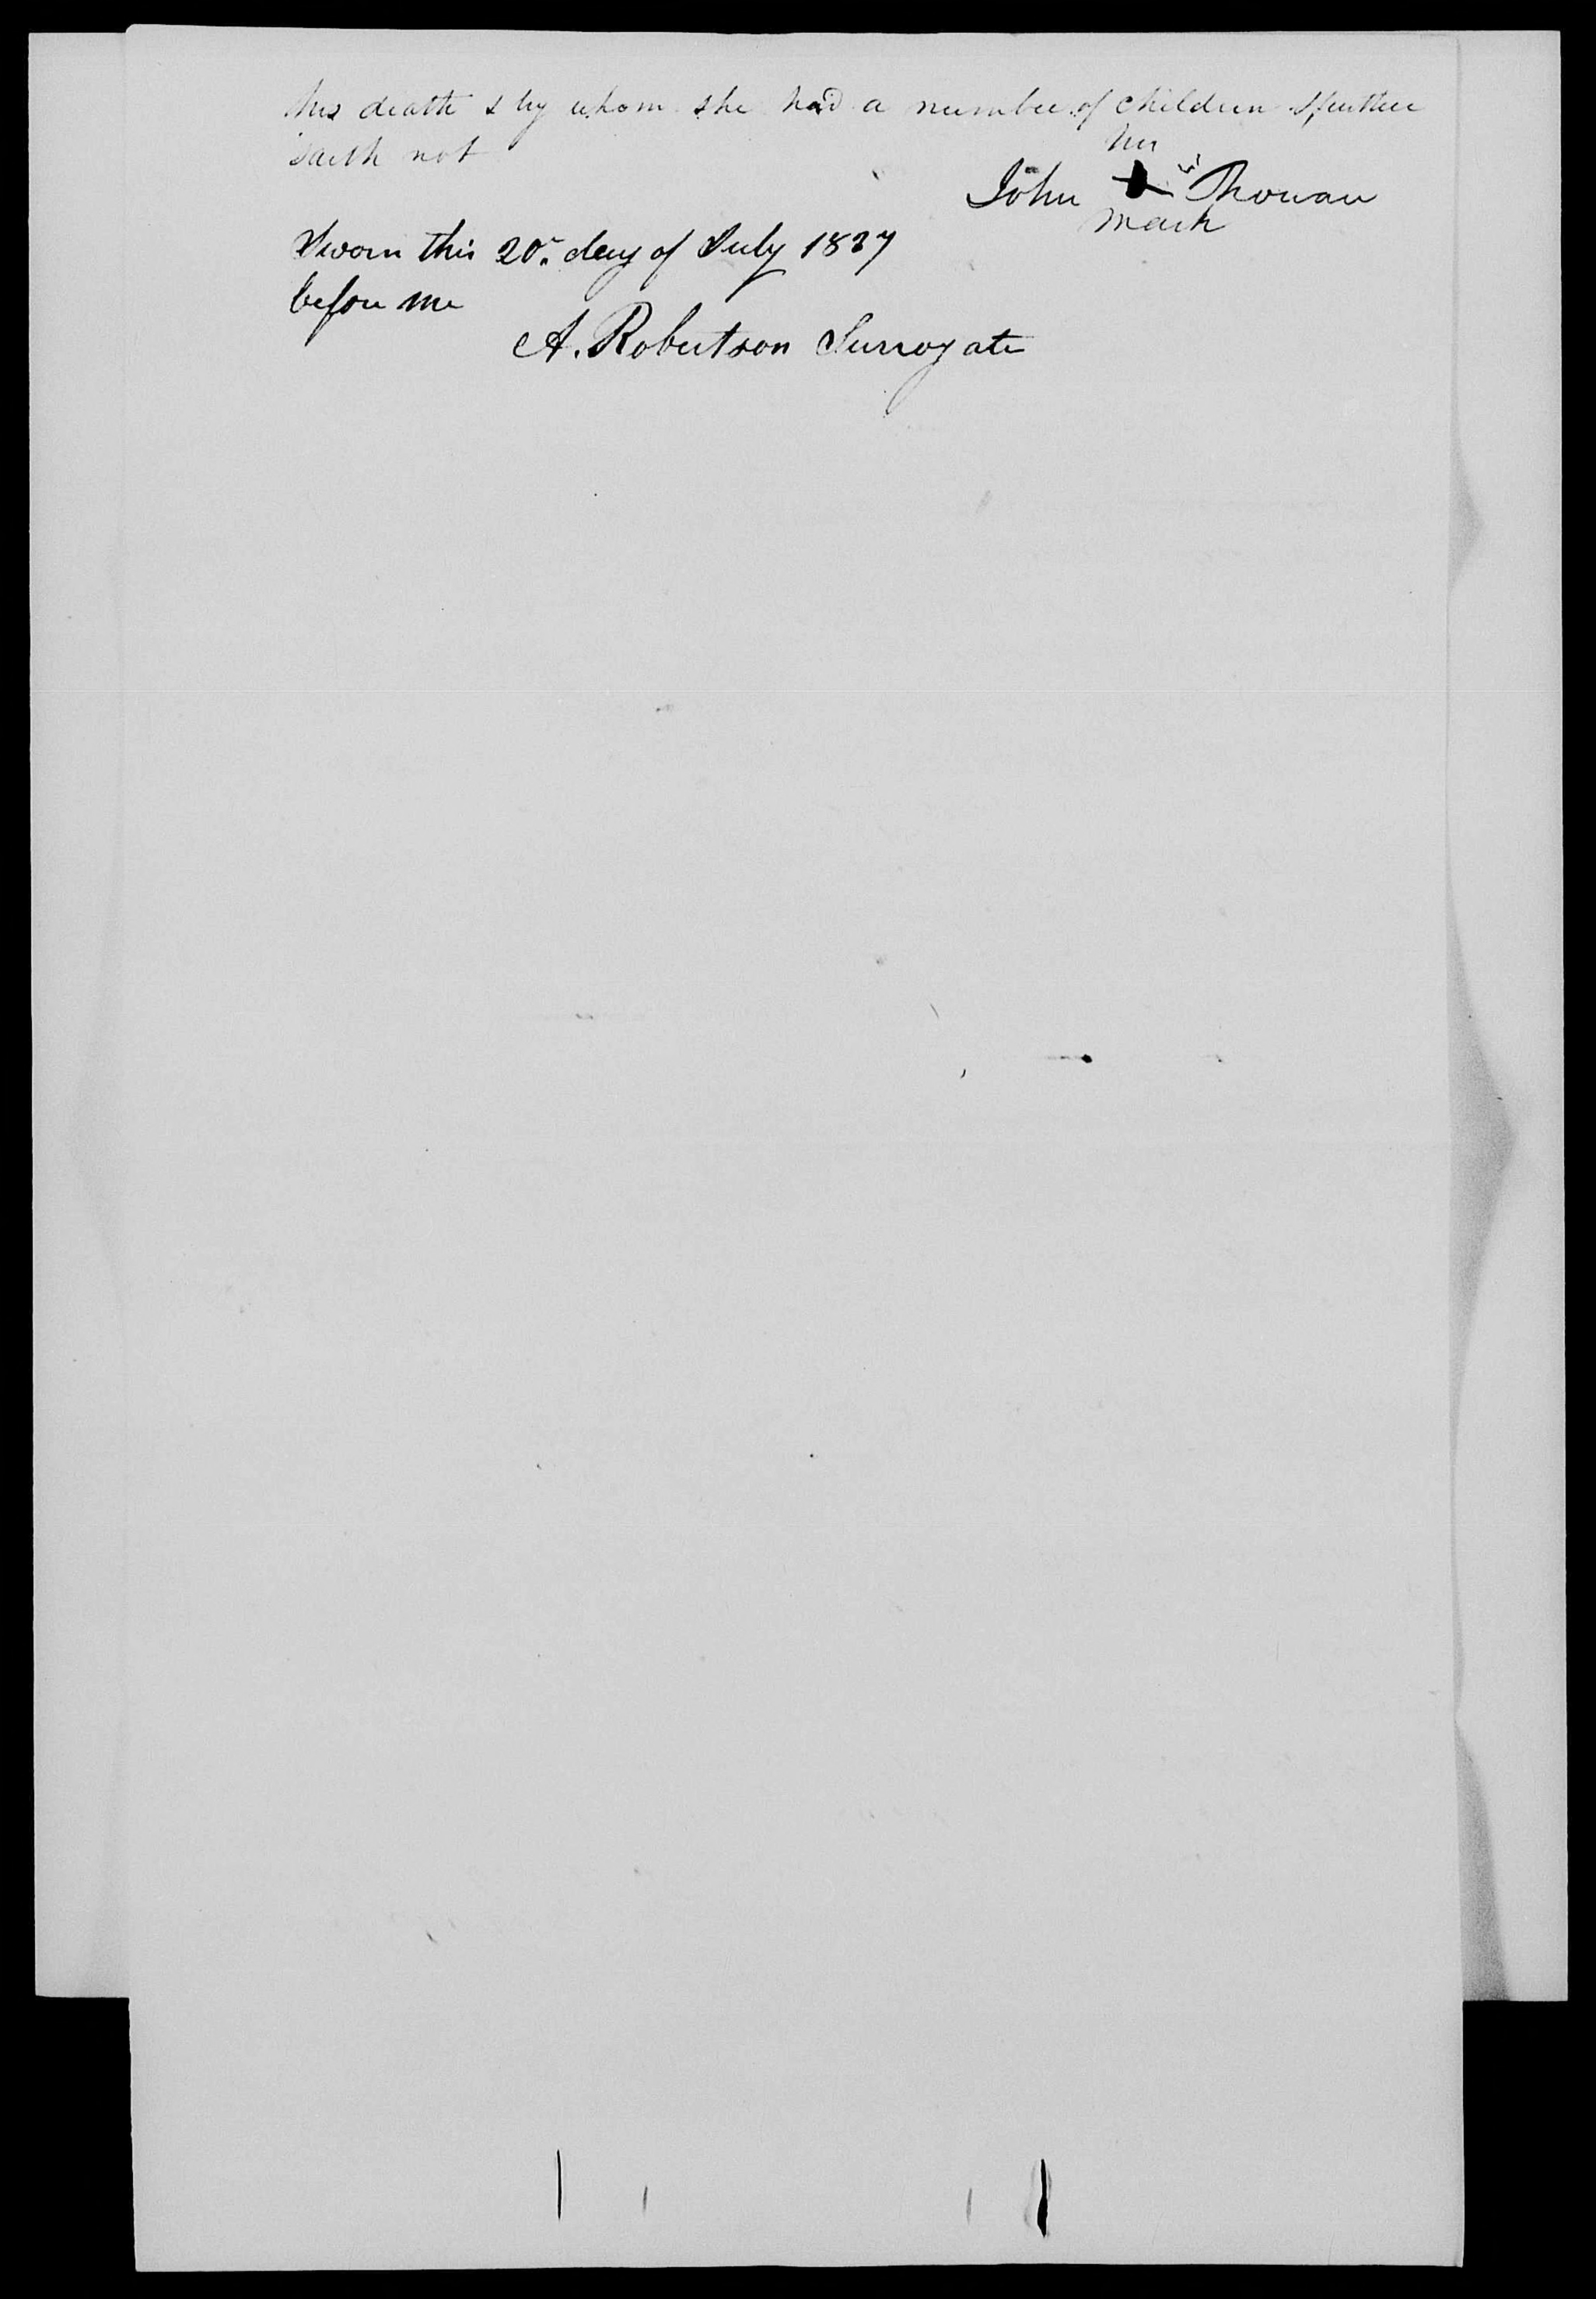his death and by whom she had a number of children and further saith not. 

his 
John x Thorau 

Sworn this 20 day of July 1837
before me
A. Robertson Surrogate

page: 16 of 42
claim: widow's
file: W. 23,937 S. 28094, for Alexander Mc Nish, New York